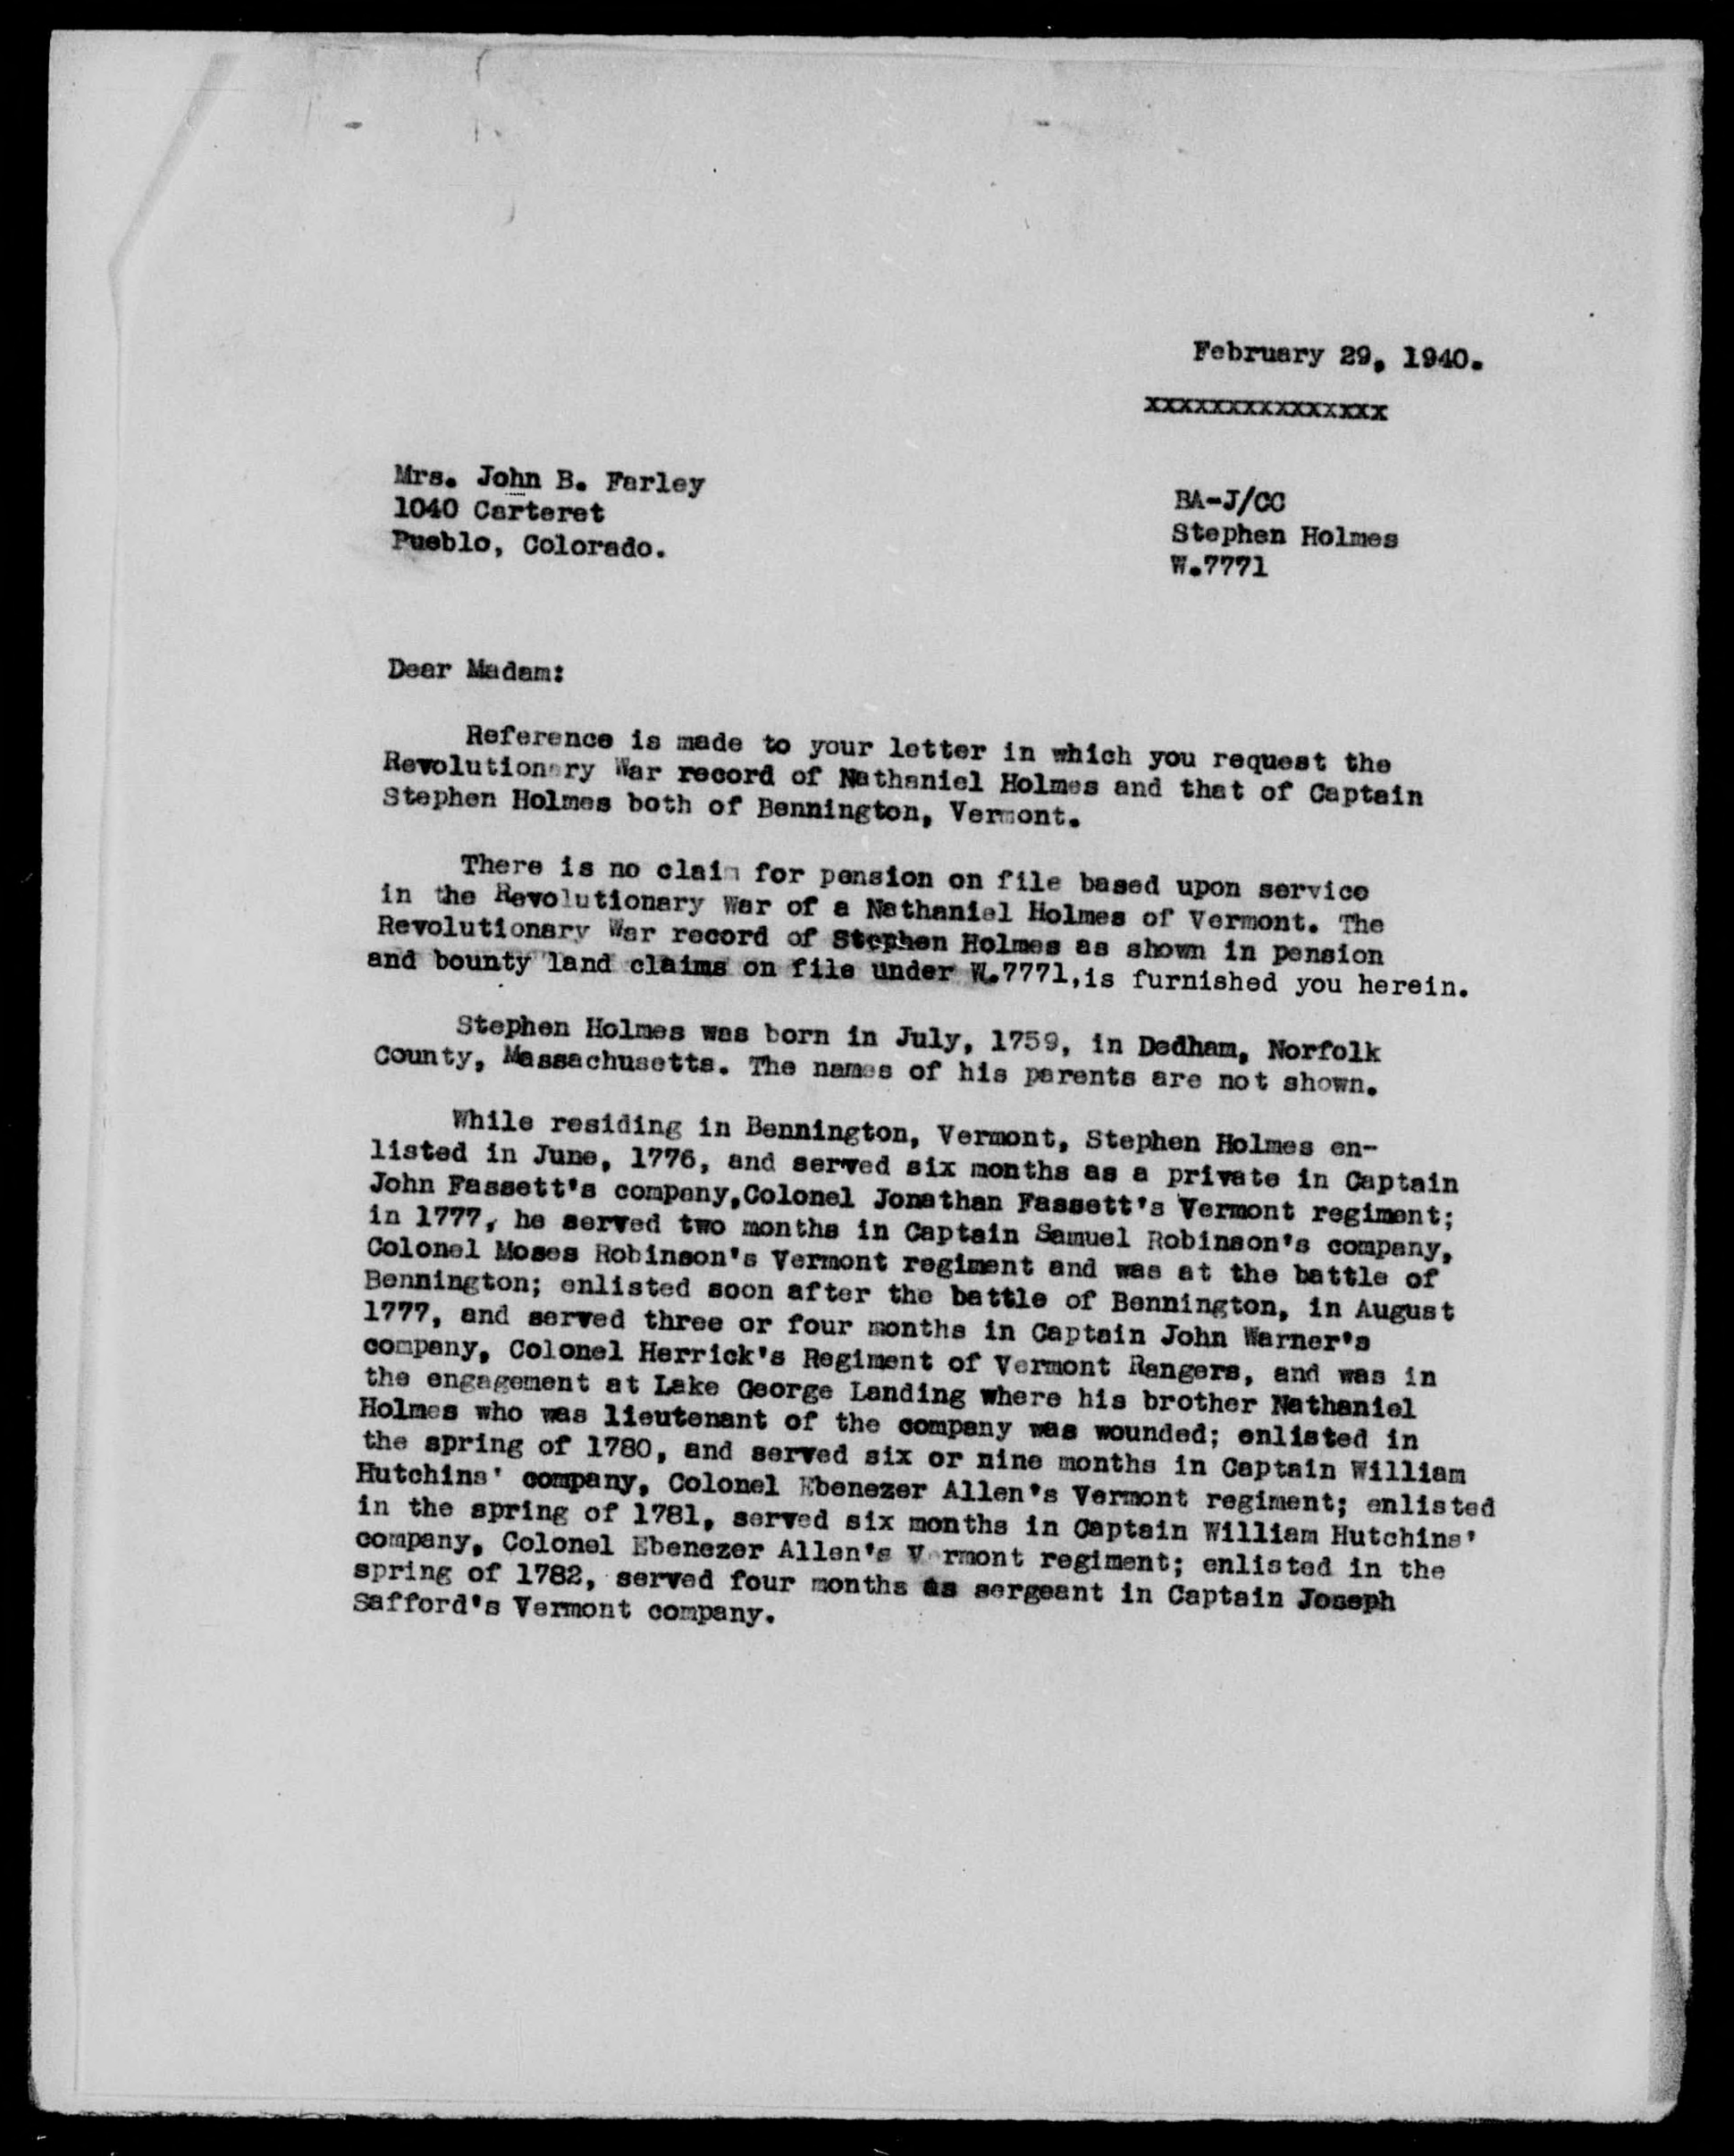Mrs. John. F. Farley
1040 Carteret
Pueblo, Colorado.

BA-J/CC
Stephen Holmes
W.7771

Dear Madam:

Reference is made to your letter in which you request the Revolutionary War record of Nathaniel Holmes and that of Captain Stephen Holmes both of Bennington, Vermont.

There is no claim for pension on file based upon service in the Revolutionary War of a Nathaniel Holmes of Vermont. The Revolutionary War record of Stephen Holmes as shown in pension and bounty land claims on file under W. 7771, is furnished you herein.

Stephen Holmes was born in July, 1759, in Dedham, Norfolk County, Massachusetts. The names of his parents are not shown.

While residing in Bennington, Vermont, Stephen Holmes enlisted in June, 1776, and served six months as a private in Captain John Fassett's company, Colonel Jonathan Fassett's Vermont regiment; in 1777, he served two months in Captain Samuel Robinson's company, Colonel Moses Robinson's Vermont regiment and was at the battle of Bennington; enlisted soon after the battle of Bennington, in August 1777, and served three or four months in Captain John Warner's company, Colonel Herrick's Regiment of Vermont Rangers, and was in the engagement at Lake George Landing where his brother Nathaniel Holmes who was lieutenant of the company was wounded; enlisted in the spring of 1780, and served six or nine months in Captain William Hutchins' company, Colonel Ebenezer Allen's Vermont regiment; enlisted in the spring of 1781, served six months in Captain William Hutchins' company, Colonel Ebenezer Allen's Vermont regiment; enlisted spring of 1782, served four months as sergeant in Captain Joseph Safford's Vermont company.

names: Nathaniel Holmes, John B Farley, Stephen Holmes, Stephen Holmes, Stephen Holmes, Nathaniel Holmes, Stephen Holmes, Nathaniel Holmes, Stephen Holmes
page: 22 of 72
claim: widow's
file: W. 7771, Stephen Holmes, Vt.